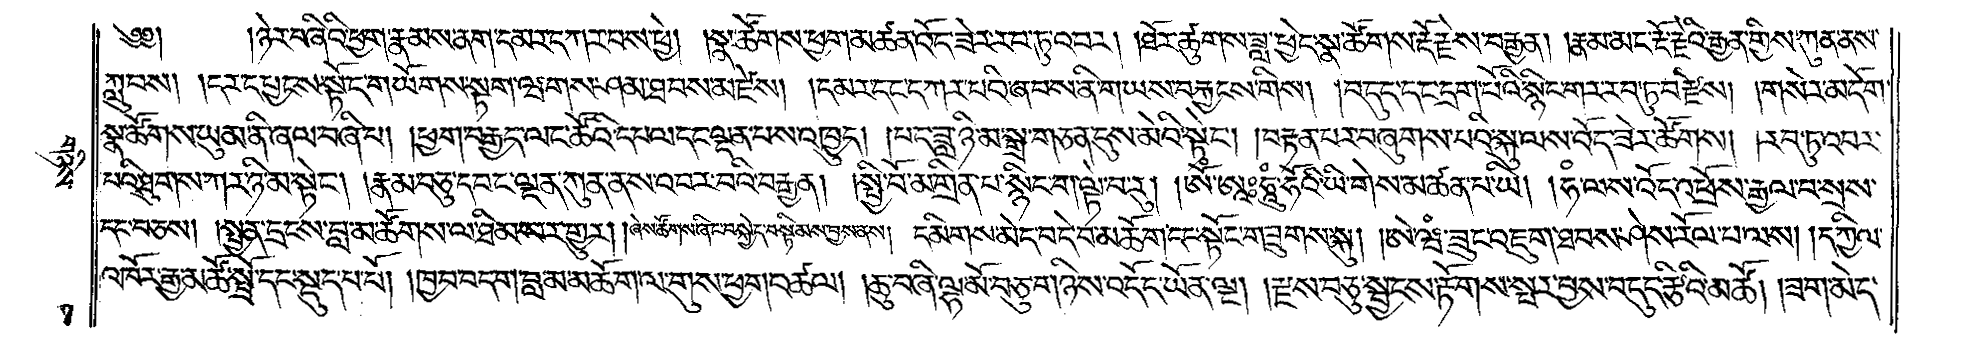༄༅། །ཉེར་བཞིའི་ཕྱག་རྣམས་ནག་དམར་དཀར་བས་ཕྱེ། །སྣ་ཚོགས་ཕྱག་མཚན་འོད་ཟེར་རབ་ཏུ་འབར། །ཐོར་ཚུགས་ཟླ་ཕྱེད་སྣ་ཚོགས་རྡོ་རྗེས་བརྒྱན། །རྣམ་མང་རྡོ་རྗེའི་རྒྱན་གྱིས་ཀུན་ནས་
ཀླུབས། །དར་དཔྱངས་སྟོང་གཡོགས་སྟག་ལྤགས་ཤམ་ཐབས་མཛེས། །དམར་དང་དཀར་པའི་ཞབས་ནི་གཡས་བརྐྱངས་གིས། །བདུད་དང་དྲག་པོའི་སྙིང་གར་རབ་ཏུ་བརྫེས། །གསེར་མདོག་
སྣ་ཚོགས་ཡུམ་ནི་ཞལ་བཞི་པ། །ཕྱག་བརྒྱད་ལང་ཚོའི་དཔལ་དང་ལྡན་པས་འཁྱུད། །པད་ཟླ་ཉི་མ་སྒྲ་གཅན་དུས་མེའི་སྟེང་། །བརྟན་པར་བཞུགས་པའི་སྐུ་ལས་འོད་ཟེར་ཚོགས། །རབ་ཏུ་འབར་
པའི་ཐུགས་ཀར་ཉི་མ་སྟེང་། །རྣམ་བཅུ་དབང་ལྡན་ཀུན་ནས་འབར་བའི་བརྒྱན། །སྤྱི་བོ་མགྲིན་པ་སྙིང་ག་ལྟེ་བ་རུ། །ཨོཾ་ཨཱཿ ཧཱུཾ་ཧོའི་ཡི་གེས་མཚན་པ་ཡི། །ཧཾ་ལས་འོད་འཕྲོས་རྒྱལ་བ་སྲས་
དང་བཅས། །སྤྱན་དྲངས་བླ་མ་ཚོགས་ལ་ཐིམ་པར་གྱུར། །ཞེས་ཚོགས་ཞིང་བསྐྱེད་བསྟིམས་བྱས་ནས།  དམིགས་མེད་བདེ་བ་མཆོག་དང་སྟོང་གཟུགས་སྐུ། །ཨེ་ཝཾ་ཟུང་འཇུག་ཐབས་ཤེས་རོལ་པ་ལས། །དཀྱིལ་
འཁོར་རྒྱ་མཚོ་སྤྲོ་དང་སྡུད་པ་པོ། །ཁྱབ་བདག་བླ་མ་མཆོག་ལ་གུས་ཕྱག་འཚལ། །ཆུ་བཞི་ལྷ་མོ་བཅུ་གཉིས་འདོད་ཡོན་ལྔ། །རྫས་བཅུ་སྦྱངས་རྟོགས་སྤར་བྱས་བདུད་རྩིའི་མཚོ། །ཟག་མེད་